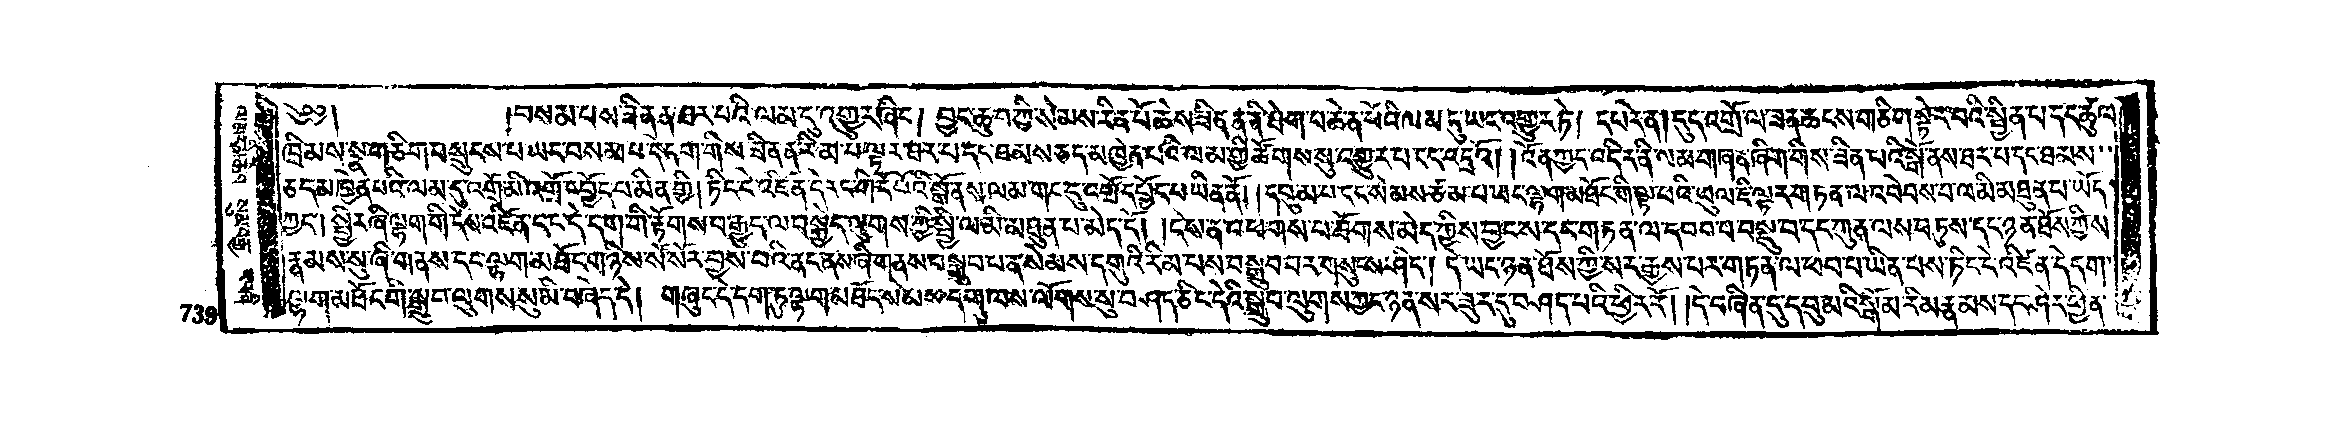༄༅། །བསམ་པས་ཟིན་ན་ཐར་པའི་ལམ་དུ་འགྱུར་ཞིང་། བྱང་ཆུབ་ཀྱི་སེམས་རིན་པོ་ཆེས་ཟིན་ན་ནི་ཐེག་པ་ཆེན་པོའི་ལམ་དུ་ཡང་འགྱུར་ཏེ། དཔེར་ན། དུད་འགྲོ་ལ་ཟན་ཆངས་གཅིག་སྟེར་བའི་སྦྱིན་པ་དང་ཚུལ་
ཁྲིམས་སྣ་གཅིག་བསྲུངས་པ་ཡང་བསམ་པ་དེ་དག་གིས་ཟིན་ན་རིམ་པ་ལྟར་ཐར་པ་དང་ཐམས་ཅད་མཁྱེན་པའི་ལམ་གྱི་ཚོགས་སུ་འགྱུར་བ་དང་འདྲའོ། །འོན་ཀྱང་འདིར་ནི་ལམ་གཞན་ཞིག་གིས་ཟིན་པའི་སྒོ་ནས་ཐར་པ་དང་ཐམས་
ཅད་མཁྱེན་པའི་ལམ་དུ་འགྲོ་མི་འགྲོ་དཔྱོད་པ་མིན་གྱི། ཏིང་ངེ་འཛིན་དེ་རང་གི་ངོ་བོའི་སྒོ་ནས་ལམ་གང་དུ་འགྲོ་དཔྱོད་པ་ཡིན་ནོ། །དབུ་མ་པ་དང་སེམས་ཙམ་པ་ཡང་ལྷག་མཐོང་གི་ལྟ་བའི་ཡུལ་ཇི་ལྟར་གཏན་ལ་འབེབས་པ་ལ་མི་མཐུན་པ་ཡོད་
ཀྱང༑ སྤྱིར་ཞི་ལྷག་གི་ངོས་འཛིན་དང་དེ་དག་གི་རྟོགས་པ་རྒྱུད་ལ་བསྐྱེད་ལུགས་ཀྱི་སྤྱི་ལ་མི་མཐུན་པ་མེད་དོ། །དེས་ན་འཕགས་པ་ཐོགས་མེད་ཀྱིས་བྱང་ས་དང་གཏན་ལ་དབབ་པ་བསྡུ་བ་དང་ཀུན་ལས་བཏུས་དང་ཉན་ཐོས་ཀྱིས་
རྣམས་སུ་ཞི་གནས་དང་ལྷག་མཐོང་གཉིས་སོ་སོར་བྱས་པའི་ནང་ནས་ཞི་གནས་བསྒྲུབ་པ་ན་སེམས་དགུའི་རིམ་པས་བསྒྲུབ་པར་གསུངས་ཤིང་། དེ་ཡང་ཉན་ཐོས་ཀྱི་སར་རྒྱས་པར་གཏན་ལ་ཕབ་པ་ཡིན་པས་ཏིང་ངེ་འཛིན་དེ་དག་
ལྷག་མཐོང་གི་སྒྲུབ་ལུགས་སུ་མི་བཞེད་དེ། གཞུང་དེ་དག་ཏུ་ལྷག་མཐོང་སེམས་དགུ་ལས་ལོགས་སུ་བཤད་ཅིང་དེའི་སྒྲུབ་ལུགས་ཀྱང་ཉན་སར་ཟུར་དུ་བཤད་པའི་ཕྱིར་རོ། །དེ་བཞིན་དུ་དབུ་མའི་སྒོམ་རིམ་རྣམས་དང་ཤེར་ཕྱིན་